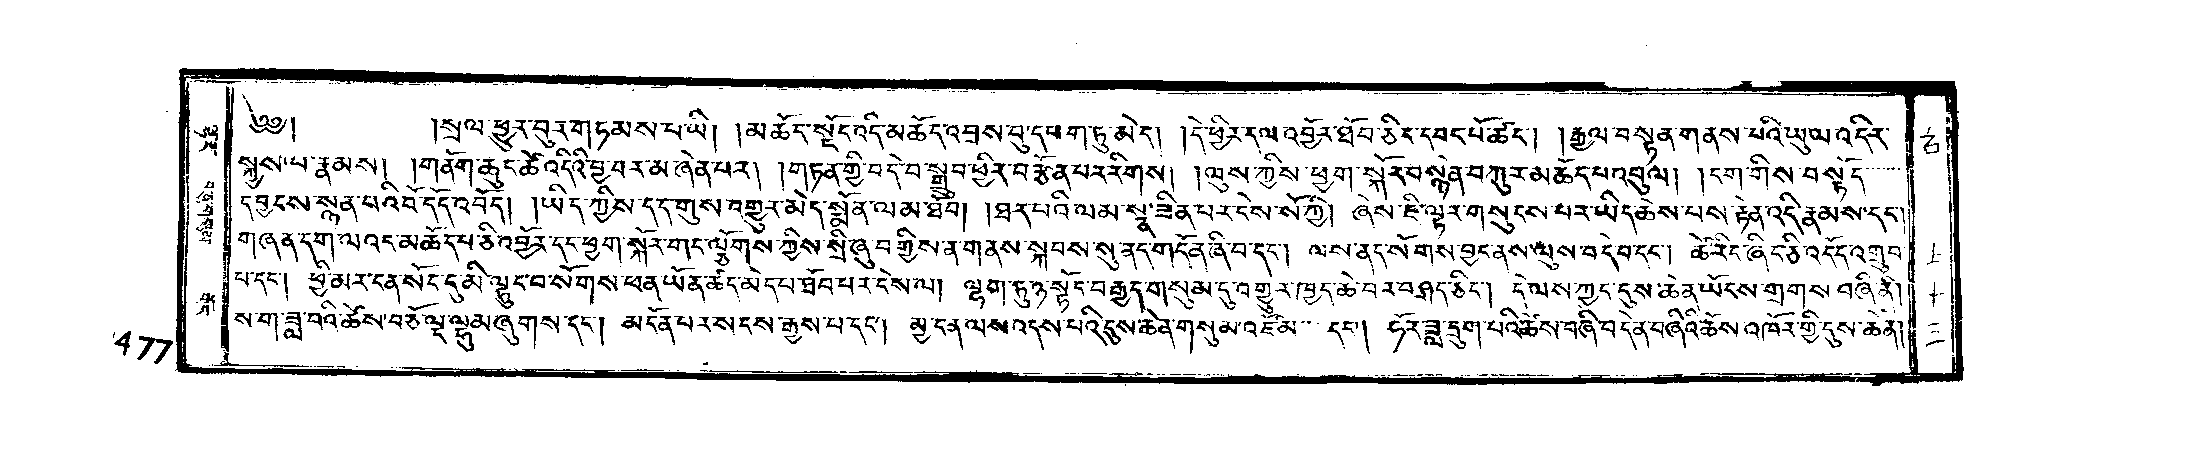༄༅། །སྲལ་ཕྱུར་བུར་གཏམས་པ་ཡི། །མཆོད་སྡོང་འདི་མཆོད་འབྲས་བུ་དཔག་ཏུ་མེད། །དེ་ཕྱིར་དལ་འབྱོར་ཐོབ་ཅིང་དབང་པོ་ཚང་། །རྒྱལ་བསྟན་གནས་པའི་ཡུལ་འདིར་
སྐྱས་པ་རྣམས། །གནོག་ཆུང་ཚེ་འདིའི་བྱ་བར་མ་ཞེན་པར། །གཏན་གྱི་བདེ་བ་སྒྲུབ་ཕྱིར་བརྩོན་པར་རིགས། །ལུས་ཀྱིས་ཕྱག་སྐོར་བསྙེན་བཀུར་མཆོད་པ་འབུལ། །ངག་གིས་བསྟོད་
དབྱངས་སྙན་པའི་བོ་དོད་འབོད། །ཡིད་ཀྱིས་དད་གུས་འགྱུར་མེད་སྨོན་ལམ་ཐོབ། །ཐར་པའི་ལམ་སྣ་ཟིན་པར་ངེས་སོ་ཀྱི། ཞེས་ཇི་ལྟར་གསུངས་པར་ཡིད་ཆེས་པས་རྟེན་འདི་རྣམས་དང་།
གཞན་དག་ལའང་མཆོད་པ་ཅི་འབྱོར་དང་ཕྱག་སྐོར་གང་ལྕོགས་ཀྱིས་སྲི་ཞུ་བགྱིས་ན་གནས་སྐབས་སུ་ནད་གདོན་ཞི་བ་དང་། ལས་ནད་སོགས་བྱང་ནས་ལུས་བདེ་བ་དང་། ཚེ་རིང་ཞིང་ཅི་འདོད་འགྲུབ་
པ་དང་། ཕྱི་མར་ངན་སོང་དུ་མི་ལྟུང་བ་སོགས་ཕན་ཡོན་ཚད་མེད་པ་ཐོབ་པར་ངེས་ལ། ལྷག་ཏུ་ཉ་སྟོང་བརྒྱད་གསུམ་དུ་འགྱུར་ཁྱད་ཆེ་བར་བཤད་ཅིང་། དེ་ལས་ཀྱང་དུས་ཆེན་ཡོངས་གྲགས་བཞི་ནི།
ས་ག་ཟླ་བའི་ཚེས་བཅོ་ལྔ་ལྷུམ་ཞུགས་དང་། མངོན་པར་སངས་རྒྱས་པ་དང་། མྱ་ངན་ལས་འདས་པའི་དུས་ཆེན་གསུམ་འཛོམ་དང་། ཧོར་ཟླ་དྲུག་པའི་ཚེས་བཞི་བདེན་བཞིའི་ཆོས་འཁོར་གྱི་དུས་ཆེན།